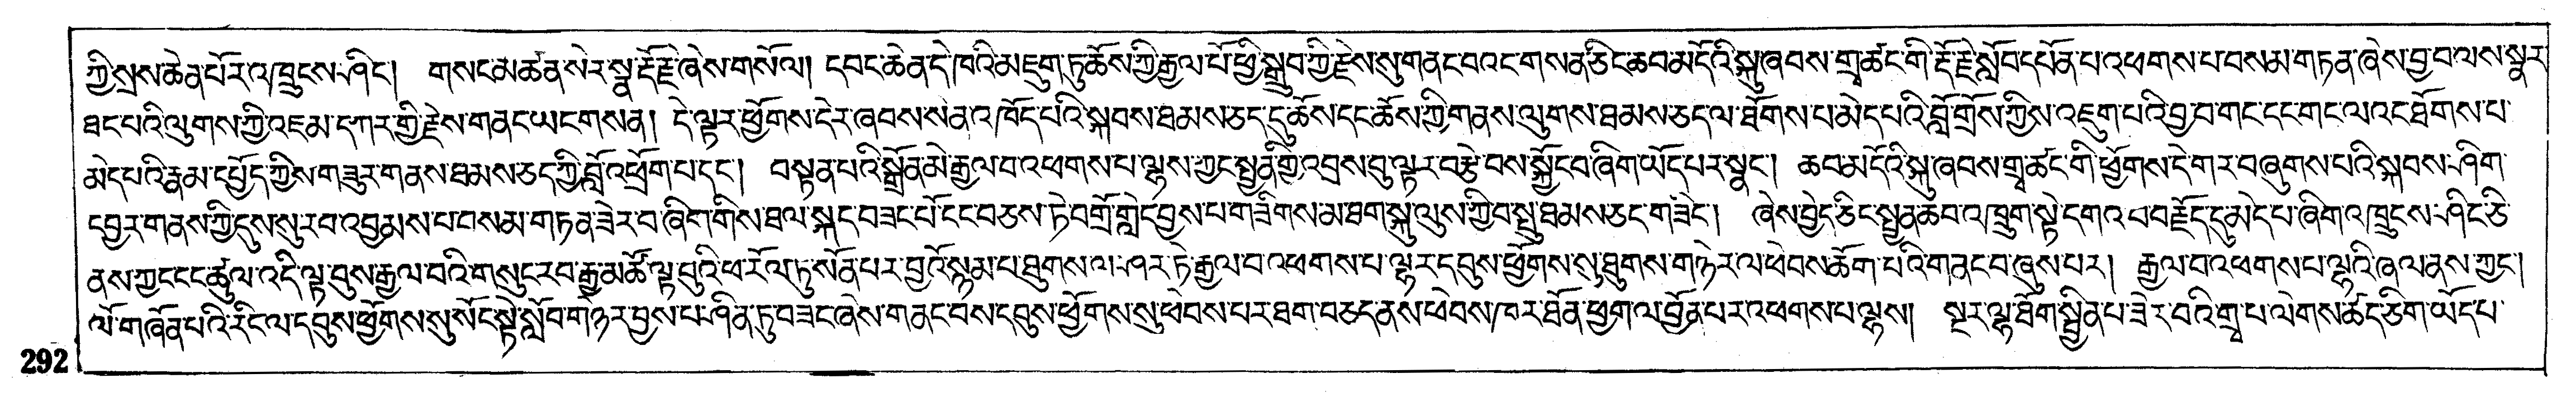ཀྱི་སྲས་ཆེན་བོར་འཁྲུངས་ཤིང་། གསང་མཚན་སེར་སྣ་རྡོ་རྗེ་ཞེས་གསོལ། དབང་ཆེན་དེ་ཁའི་མཇུག་ཏུ་ཆོས་ཀྱི་རྒྱལ་པོ་ཕྱི་སྒྲུབ་ཀྱི་རྗེས་སུ་གནང་བའང་གསན་ཅིང་ཆབ་མདོའི་སྐུ་ཞབས་གྲྭ་ཚང་གི་རྡོ་རྗེ་སློབ་དཔོན་པ་འཕགས་པ་བསམ་གཏན་ཞེས་བྱ་བ་ལས་སྣར་
ཐང་པའི་ལུགས་ཀྱི་འཇམ་དཀར་གྱི་རྗེས་གནང་ཡང་གསན། དེ་ལྟར་ཕྱོགས་དེར་ཞབས་སེན་འཁོད་པའི་སྐབས་ཐམས་ཅད་དུ་ཆོས་དང་ཆོས་ཀྱི་གནས་ལུགས་ཐམས་ཅད་ལ་ཐོགས་པ་མེད་པའི་བློ་གྲོས་ཀྱིས་འཇུག་པའི་བྱ་བ་གང་དང་གང་ལའང་ཐོགས་པ་
མེད་པའི་རྣམ་དཔྱོད་ཀྱིས་གཟུར་གནས་ཐམས་ཅད་ཀྱི་བློ་འཕྲོག་པ་དང་། བསྟན་པའི་སྒྲོན་མེ་རྒྱལ་བ་འཕགས་པ་ལྷས་ཀྱང་སྤྱན་གྱི་འབྲས་བུ་ལྟར་བརྩེ་བས་སྐྱོང་བཞིག་ཡོང་བར་སྣང་། ཆབ་མདོའི་སྐུ་ཞབས་གྲྭ་ཚང་གི་ཕྱོགས་དེ་གར་བཞུགས་བའི་སྐབས་ཤིག་
དབྱར་གནས་ཀྱི་དུས་སུ་རབ་འབྱམས་པ་བསམ་གཏན་ཟེར་བ་ཞིག་གིས་ཐལ་སྐད་བཟང་པོ་དང་བཅས་ཏེ་བགྲོ་གླེང་བྱས་པ་གཟིགས་མ་ཐག་སྐུ་ལུས་ཀྱི་བ་སྤུ་ཐམས་ཅད་གཟིང་། ཞེས་བྱེད་ཅིང་སྤྱན་ཆབ་འཁྲུག་སྟེ་དགའ་བ་བརྗོད་དུ་མེད་པ་ཞིག་འཁྲུངས་ཤིང་ཅི་
ནས་ཀྱང་ངང་ཚུལ་འདི་ལྟ་བུས་རྒྱལ་བའི་གསུང་རབ་རྒྱ་མཚོ་ལྟ་བུའི་ཕ་རོལ་ཏུ་སོན་པར་བྱའོ་སྙམ་པ་ཐུགས་ལ་ཤར་ཏེ་རྒྱལ་བ་འཕགས་པ་ལྷར་དབུས་ཕྱོགས་སུ་ཐུགས་གཉེར་ལ་ཕེབས་ཆོག་བའི་གནང་བ་ཞུས་པར། རྒྱལ་པ་འཕགས་པ་ལྷའི་ཞལ་ནས་ཀྱང་།
ལོ་གཞོན་པའི་རིང་ལ་དབུས་ཕྱོགས་སུ་སོང་སྟེ་སློབ་གཉེར་བྱས་པ་ཤིན་ཏུ་བཟང་ཞེས་གནང་བས་དབུས་ཕྱོགས་སུ་ཕེབས་པར་ཐག་བཅད་ནས་ཕེབས་ཁར་ཐོན་ཕྱག་ལ་བྱོན་པར་འཕགས་པ་ལྷས། སྔར་ལྷ་ཐོག་སྦྱིན་པ་ཟེར་བའི་གྲྭ་པ་ལེགས་ཚད་ཅིག་ཡོད་པ་